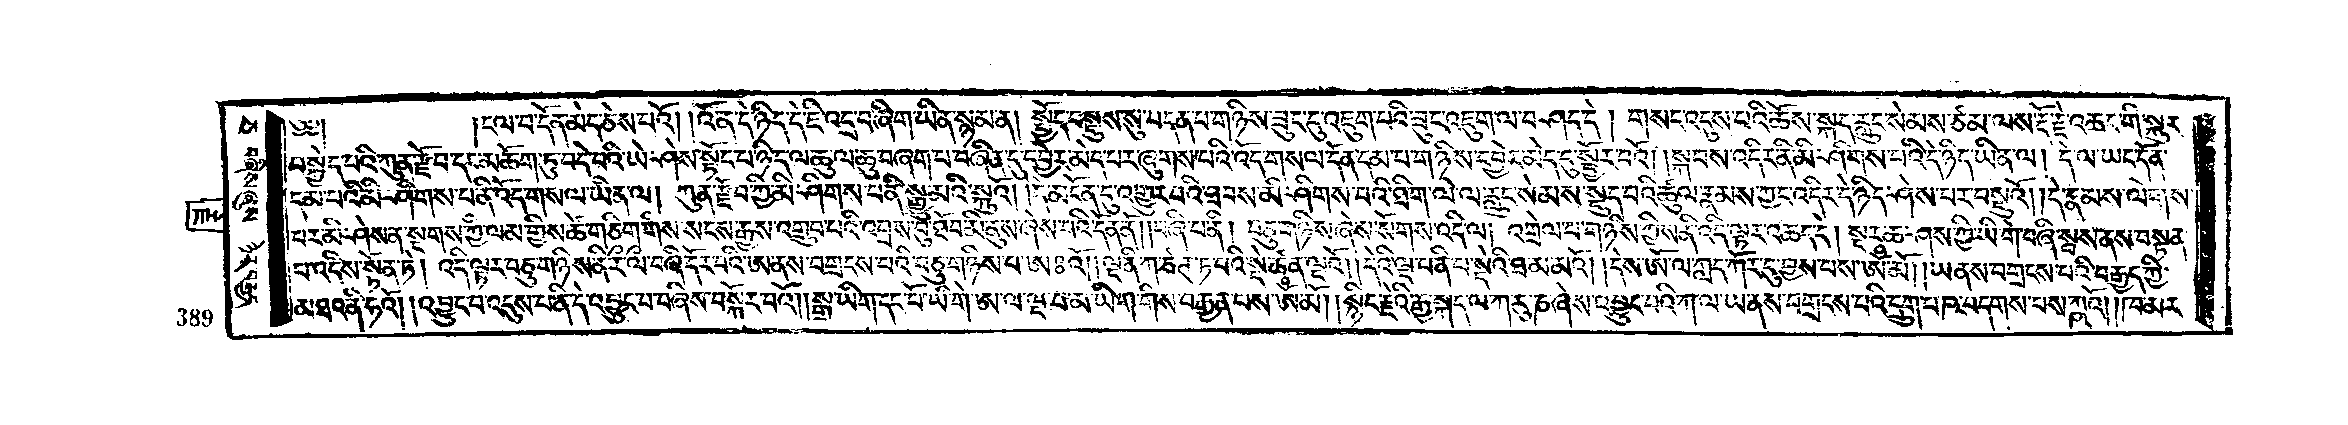༄༅། །ངལ་བ་དོན་མེད་ཅེས་པའོ། །འོ་ན་དེ་ཉིད་དེ་ཇི་འདྲ་བ་ཞིག་ཡིན་སྙམ་ན། སྤྱོད་བསྡུས་སུ་བདེན་པ་གཉིས་ཟུང་དུ་འཇུག་པའི་ཟུང་འཇུག་ལ་བཤད་དེ། གསང་འདུས་པའི་ཆོས་སྐད་རླུང་སེམས་ཙམ་ལས་རྡོ་རྗེ་འཆང་གི་སྐུར་
བསྐྱེད་པའི་ཀུན་རྫོབ་དང་མཆོག་ཏུ་བདེ་བའི་ཡེ་ཤེས་སྟོང་པ་ཉིད་ལ་ཆུ་ལ་ཆུ་བཞག་པ་བཞིན་དུ་དབྱེར་མེད་པར་ཞུགས་པའི་འོད་གསལ་དོན་དམ་པ་གཉིས་དབྱེར་མེད་དུ་སྦྱོར་བའོ། །སྐབས་འདིར་ནི་མི་ཤིགས་པའི་དེ་ཉིད་ཡིན་ལ། དེ་ལ་ཡང་དེ་ནི་
དམ་པའི་མི་ཤིགས་པ་ནི་འོད་གསལ་ཡིན་ལ། ཀུན་རྫོབ་ཀྱི་མི་ཤིགས་པ་ནི་སྒྱུ་མའི་སྐུའོ། །དེ་མངོན་དུ་འགྱུར་བའི་ཐབས་མི་ཤིགས་པའི་ཐིག་ལེ་ལ་རླུང་སེམས་སྡུད་པའི་ཚུལ་རྣམས་ཀྱང་འདིར་དེ་ཉིད་ཤེས་པར་བསྡུའོ། །དེ་རྣམས་ལེགས་
པར་མི་ཤེས་ན་སྔགས་ཀྱི་ལམ་གྱིས་ཚེ་གཅིག་གིས་སངས་རྒྱས་འགྲུབ་པའི་འབྲས་བུ་ཐོབ་མི་ནུས་ཞེས་པའི་དོན་ནོ། །བཞི་པ་ནི། བཅུ་གཉིས་ཞེས་སོགས་འདི་ལ། འགྲེལ་པ་གཉིས་ཀྱིས་ནི་འདི་ལྟར་འཆད་དེ། སྔར་ཆ་ཤས་ཀྱི་ཡི་གེ་བཞི་སྦས་ནས་བསྟན་
པ་འདིས་སྟོན་ཏེ། འདི་ལྟར་བཅུ་གཉིས་ནི་རྀ་ལྀ་བཞི་དོར་བའི་ཨ་ནས་བགྲངས་པའི་བཅུ་གཉིས་པ་ཨཿ འོ། །ལྔ་ནི་ཀ་ཙ་ཊ་ཏ་པའི་སྡེ་ཚན་ལྔའོ། །དེའི་ལྔ་པ་ནི་པ་སྡེའི་ཐ་མ་མའོ། །དེས་ཨོ་ལ་ཀླད་ཀོར་དུ་བྱས་པས་ཨོཾ་མོ། །ཡ་ནས་བགྲངས་པའི་བརྒྱད་ཀྱི་
མཐའ་ནི་ཧའོ། །འབྱུང་བ་འདུས་པ་ནི་དེ་འབྱུང་བ་བཞིས་བསྐོར་བའོ། །སྒྲ་ཡིག་དང་པོ་ཡི་གེ་ཨ་ལ་ལྔ་པ་མ་ཡིག་གིས་བརྒྱན་པས་ཨོཾ་མོ། །སྙིང་རྗེའི་རྒྱ་སྐད་ལ་ཀ་རུ་ཎ་ཞེས་འབྱུང་བའི་ཀ་ལ་ཡ་ནས་བགྲངས་པའི་དྲུག་པ་ཥ་བདགས་པས་ཀྵའོ། །ཁ་མར་